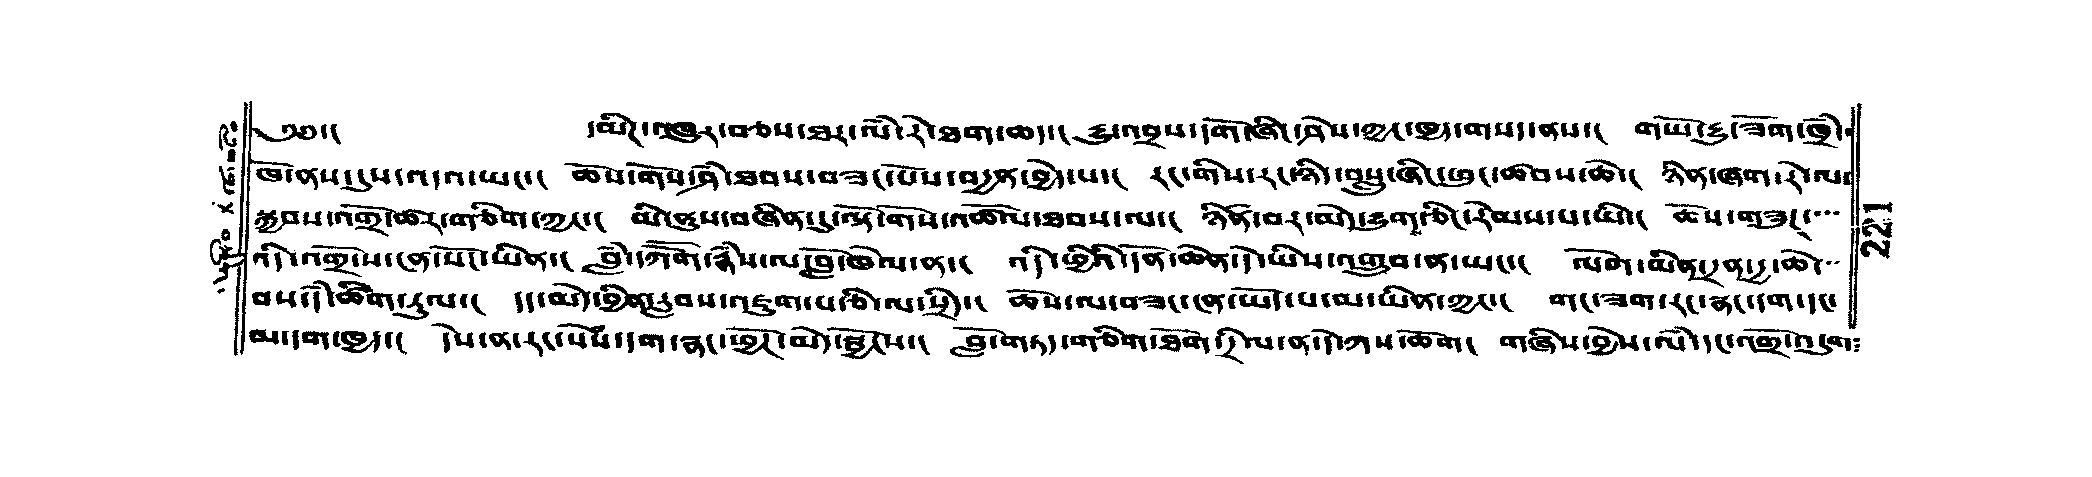དམིགས་འཁུར་བཅས་ཐར་ལམ་རེ་ཐག་ཆད། །རྒྱུ་འབྲས་གོ་ཞིང་ཤེས་ཀྱང་ཁྱད་གསད་ནས། །གཡོ་སྒྱུ་ཟོག་ཁྲམ་
ཁོ་ནས་དུས་འདས་ཡང་། །ཆོས་གོས་ཤམ་ཐབས་བཟང་པོས་བརྒྱན་བྱེད་པ། །རང་གིས་རང་ཉིད་བསླུ་ཞིང་ཕུང་ཚབས་ཆེ། །ཉིན་ཞག་རེ་ལ་
སྐྱབས་འགྲོ་ཚར་གཅིག་ཀྱང་། །མི་ནུས་བཞིན་དུ་ལྟོ་གོས་འཚོལ་ཐབས་ལ། །ཉིན་མཚན་བར་མེད་རྒྱུག་ཅིང་རེམས་པ་ཡི། །ཆོས་གཟུགས་
འདི་དག་འགྲོ་ས་ངན་སོང་ཡིན། །བླ་མ་དཀོན་མཆོག་རྣམས་ལ་བློ་ཁེལ་ན། །འདི་ཕྱིའི་དོན་ཆེན་དེ་ཡིས་འགྲུབ་ན་ཡང་། །ལོག་མིན་དྲན་རྒྱ་ཆེ་
བས་དམ་ཚིག་རུལ། །དད་མེད་བྱིན་རླབས་འཇུག་པ་ཅི་ལ་སྲིད། །ཆོས་ལ་བཟང་ངན་ཡོད་པ་མ་ཡིན་ཀྱང་། །གང་ཟག་རང་སྣང་དག་དང་
མ་དག་ཁྱད། །དེས་ན་རང་སེམས་དག་སྣང་ཕྱོགས་མེད་སྦྱོངས། །བློ་གཏད་གཅིག་ཐོག་དྲིལ་ན་དེ་ཀས་ཆོག།གཞིས་བྱེས་ལམ་དང་འགྲོ་འདུག་